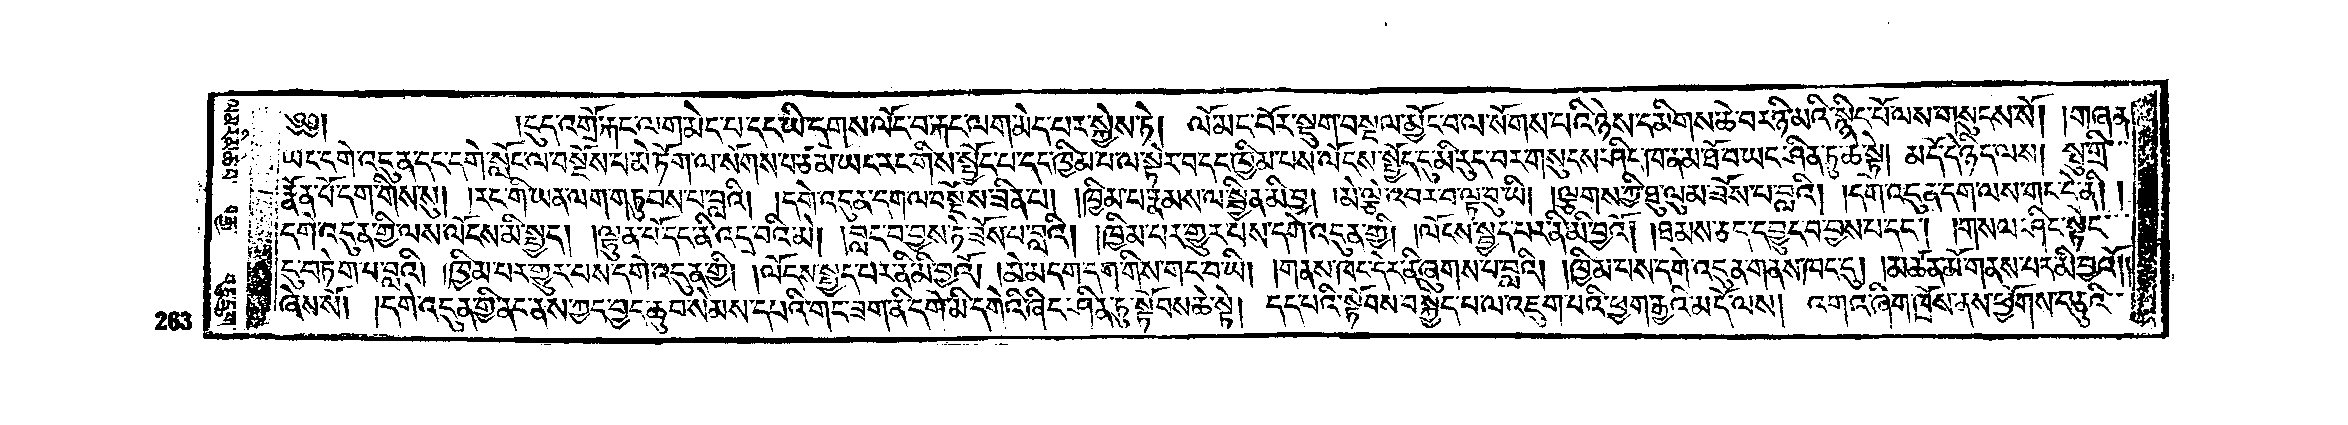༄༅། །དུད་འགྲོ་རྐང་ལག་མེད་པ་དང་ཡི་དྭགས་ལོང་བ་རྐང་ལག་མེད་པར་སྐྱེས་ཏེ། ལོ་མང་པོར་སྡུག་བསྔལ་མྱོང་བ་ལ་སོགས་པའི་ཉེས་དམིགས་ཆེ་བར་ཉི་མའི་སྙིང་པོ་ལས་གསུངས་སོ། །གཞན་
ཡང་དགེ་འདུན་དང་དགེ་སློང་ལ་བསྔོས་པ་མེ་ཏོག་ལ་སོགས་པ་ཙམ་ཡང་རང་གིས་སྤྱོད་པ་དང་ཁྱིམ་པ་ལ་སྟེར་བ་དང་ཁྱིམ་པས་ལོངས་སྤྱོད་དུ་མི་རུང་བར་གསུངས་ཤིང་ཁ་ན་མ་ཐོ་བ་ཡང་ཤིན་ཏུ་ཆེ་སྟེ། མདོ་དེ་ཉིད་ལས། སྤུ་གྲི་
རྣོན་པོ་དག་གིས་སུ། །རང་གི་ཡན་ལག་གཏུབས་པ་བླའི། །དགེ་འདུན་དག་ལ་བསྔོས་ཟིན་པ། །ཁྱིམ་པ་རྣམས་ལ་སྦྱིན་མི་བྱ། །མེ་ལྕེ་འབར་བ་ལྟ་བུ་ཡི། །ལྕགས་ཀྱི་ཐུ་ལུམ་ཟོས་པ་བླའི། །དགེ་འདུན་དག་ལས་གང་དེ་ནི། །
དགེ་འདུན་གྱི་ལས་ལོངས་མི་སྤྱད། །ལྷུན་པོ་དང་ནི་འདྲ་བའི་མེ། །བླང་བ་བྱས་ཏེ་ཟོས་པ་བླའི། །ཁྱིམ་པར་གྱུར་པས་དགེ་འདུན་གྱི། །ལོངས་སྤྱད་པར་ནི་མི་བྱའོ། །ཐམས་ཅད་དབྱུང་བ་བྱས་པ་དང་། །གསལ་ཤིང་སྟེང་
དུ་བཏེག་པ་བླའི། །ཁྱིམ་པར་གྱུར་པས་དགེ་འདུན་གྱི། །ལོངས་སྤྱད་པར་ནི་མི་བྱའོ། །མེ་མདག་དག་གིས་གང་བ་ཡི། །གནས་ཁང་དེར་ནི་ཞུགས་པ་བླའི། །ཁྱིམ་པས་དགེ་འདུན་གནས་ཁང་དུ། །མཚན་མོ་གནས་པར་མི་བྱའོ། །
ཞེས་སོ། །དགེ་འདུན་གྱི་ནང་ནས་ཀྱང་བྱང་ཆུབ་སེམས་དཔའི་གང་ཟག་ནི་དགེ་མི་དགེའི་ཞིང་ཤིན་ཏུ་སྟོབས་ཆེ་སྟེ། དད་པའི་སྟོབས་བསྐྱེད་པ་ལ་འཇུག་པའི་ཕྱག་རྒྱའི་མདོ་ལས། འགའ་ཞིག་ཁྲོས་ནས་ཕྱོགས་བཅུའི་